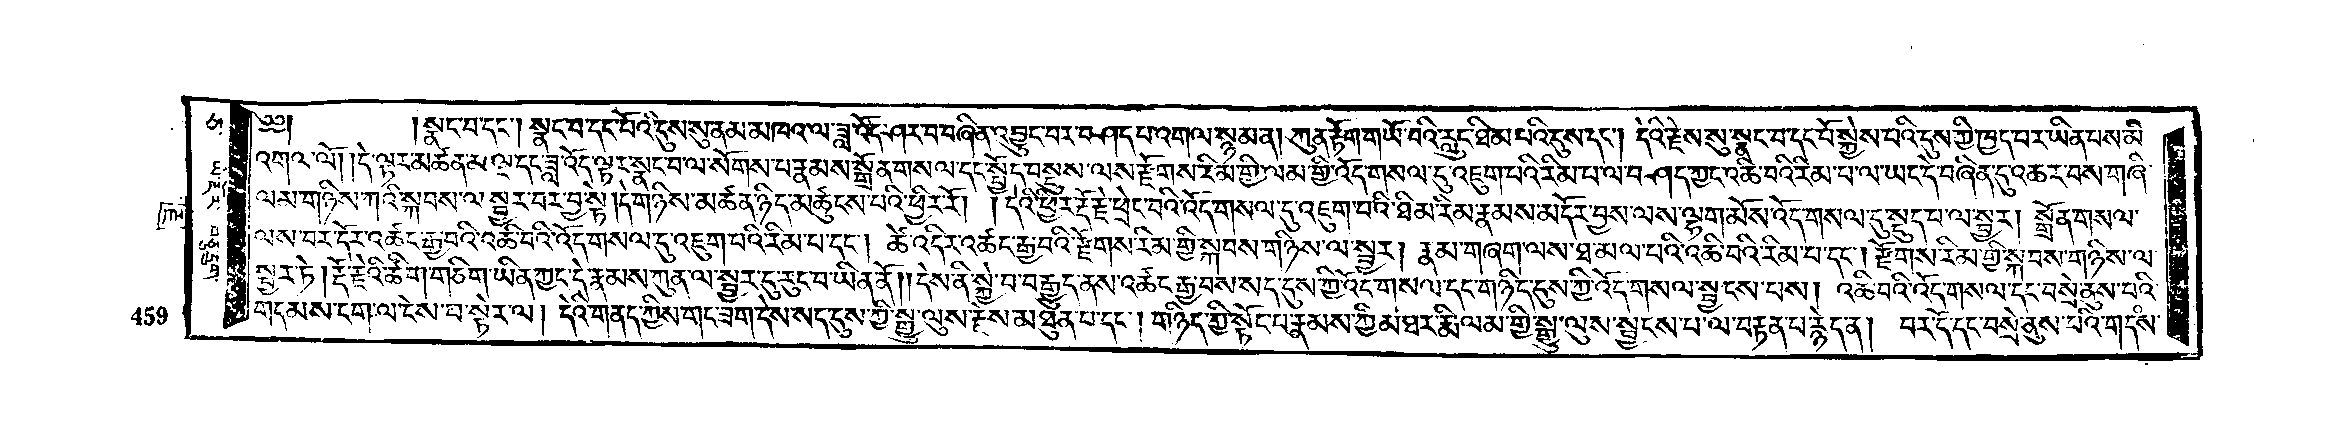༄༅། །སྣང་བ་དང་། སྣང་བ་དང་པོའི་དུས་སུ་ནམ་མཁའ་ལ་ཟླ་འོད་ཤར་བ་བཞིན་འབྱུང་བར་བཤད་པ་འགལ་སྙམ་ན། ཀུན་རྟོག་གཡོ་བའི་རླུང་ཐིམ་པའི་དུས་དང་། དེའི་རྗེས་སུ་སྣང་བ་དང་པོ་སྐྱེས་པའི་དུས་ཀྱི་ཁྱད་པར་ཡིན་པས་མི་
འགལ་ལོ། །དེ་ལྟར་མཚན་མ་ལྔ་དང་ཟླ་འོད་ལྟར་སྣང་བ་ལ་སོགས་པ་རྣམས་སྒྲོན་གསལ་དང་སྤྱོད་བསྡུས་ལས་རྫོགས་རིམ་གྱི་ལམ་གྱི་འོད་གསལ་དུ་འཇུག་པའི་རིམ་པ་ལ་བཤད་ཀྱང་འཆི་བའི་རིམ་པ་ལ་ཡང་དེ་བཞིན་དུ་འཆར་བས་གཞི་
ལམ་གཉིས་ཀའི་སྐབས་ལ་སྦྱར་བར་བྱ་སྟེ། དེ་གཉིས་མཚན་ཉིད་མཚུངས་པའི་ཕྱིར་རོ། །དེའི་ཕྱིར་རྡོ་རྗེ་ཕྲེང་བའི་འོད་གསལ་དུ་འཇུག་པའི་ཐིམ་རིམ་རྣམས་མདོར་བྱས་ལས་ལྷག་མོས་འོད་གསལ་དུ་སྡུད་པ་ལ་སྦྱར། སྒྲོན་གསལ་
ལས་བར་དོར་འཚང་རྒྱ་བའི་འཆི་བའི་འོད་གསལ་དུ་འཇུག་པའི་རིམ་པ་དང་། ཚེ་འདིར་འཚང་རྒྱ་བའི་རྫོགས་རིམ་གྱི་སྐབས་གཉིས་ལ་སྦྱར། རྣམ་གཞག་ལས་ཐ་མལ་པའི་འཆི་བའི་རིམ་པ་དང་། རྫོགས་རིམ་གྱི་སྐབས་གཉིས་ལ་
སྦྱར་ཏེ། རྡོ་རྗེའི་ཚིག་གཅིག་ཡིན་ཀྱང་དེ་རྣམས་ཀུན་ལ་སྦྱར་དུ་རུང་བ་ཡིན་ནོ། །དེས་ནི་སྐྱེ་བ་བརྒྱུད་ནས་འཚང་རྒྱ་བས་སད་དུས་ཀྱི་འོད་གསལ་དང་གཉིད་དུས་ཀྱི་འོད་གསལ་སྦྱངས་པས། འཆི་བའི་འོད་གསལ་དང་བསྲེ་ནུས་པའི་
གདམས་ངག་ལ་ངེས་པ་སྟེར་ལ། དེའི་གནད་ཀྱིས་གང་ཟག་དེས་སད་དུས་ཀྱི་སྒྱུ་ལུས་རྗེས་མཐུན་པ་དང་། གཉིད་ཀྱི་སྟོང་པ་རྣམས་ཀྱི་མཐར་རྨི་ལམ་གྱི་སྒྱུ་ལུས་སྦྱངས་པ་ལ་བརྟན་པ་རྙེད་ན། བར་དོ་དང་བསྲེ་ནུས་པའི་གདམས་